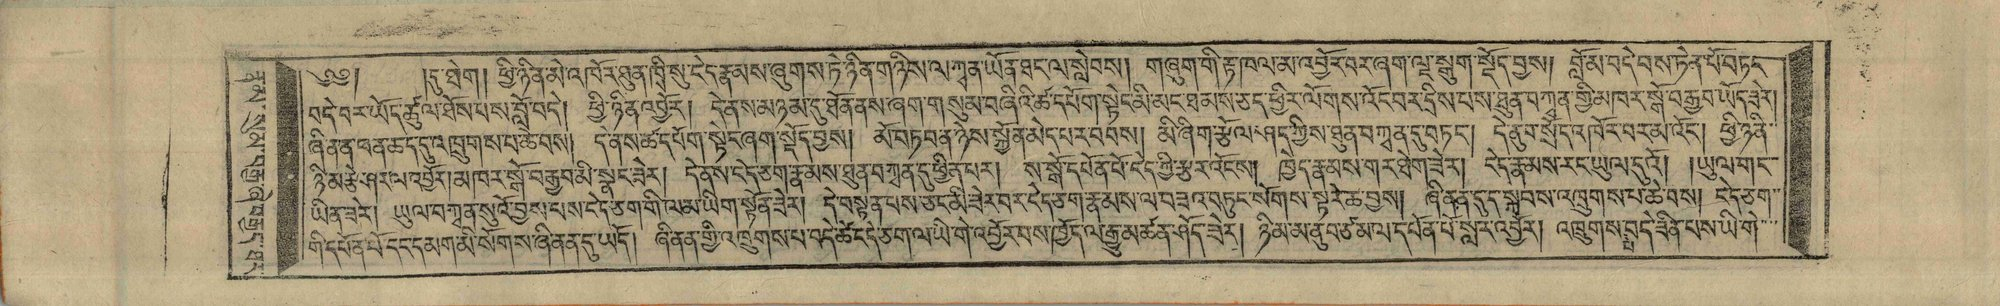༄༅། །དུ་ཐེག །ཕྱི་ཉིན་མེ་འཁོར་ཐུན་ཁྭི་སུ་ངེད་རྣམས་ཞུགས་ཏེ་ཉིན་གཉིས་ལ་ཀྭན་ཡོན་ཐང་ལ་སླེབས། གཞུག་གི་རྟ་ཁལ་མ་འབྱོར་བར་ཞག་ལྔ་སྒུག་སྡོད་བྱས། བློ་མ་བདེ་བས་ཏེན་པོ་བཏང་
བདེ་བར་ཡོད་ཚུལ་ཐོས་པས་བློ་བདེ། ཕྱི་ཉིན་འབྱོར། དེ་ནས་མཉམ་དུ་ཐོན་ནས་ཞག་གསུམ་བཞིའི་ཚ་དཔོག་སྟེང་མི་མང་ཐམས་ཅད་ཕྱིར་ལོགས་འོང་བར་དྲིས་པས་ཐུན་བཀྭན་གྱི་མཁར་སྒོ་བརྒྱབ་ཡོད་ཟེར།
ཞི་ནན་ཕན་ཆད་དུ་འཁྲུགས་པ་ཆེ་བས། དེ་ནས་ཚ་དཔོག་སྟེང་ཞག་སྡོད་བྱས། མོ་བཏབ་ན་ཉེས་སྐྱོན་མེད་པར་བབས། མི་ཞིག་རྩོལ་ཤད་ཀྱིས་ཐུན་བཀྭན་དུ་བཏང་། དེ་ནུབ་སྲོད་འཁོར་བར་མ་འོང་། ཕྱི་ཉིན་
ཉི་མ་རྩེ་ཤར་ལ་འབྱོར། མཁར་སྒོ་བརྒྱབ་མི་སྣང་ཟེར། དེ་ནས་ངེད་ཅག་རྣམས་ཐུན་བཀྭན་དུ་ཕྱིན་པར། ས་སྒོ་དཔོན་པོ་ངེད་ཀྱི་རྩར་འོངས། ཁྱེད་རྣམས་གར་ཐེག་ཟེར། ངེད་རྣམས་རང་ཡུལ་དུའོ། །ཡུལ་གང་
ཡིན་ཟེར། ཡུལ་བཀྭན་སུའོ་བྱས་པས་ངེད་ཅག་གི་ལམ་ཡིག་སྟོན་ཟེར། དེ་བསྟན་པས་ཅང་མི་ཟེར་བར་ངེད་ཅག་རྣམས་ལ་བཟའ་བཏུང་སོགས་སྟ་རེ་ཆ་བྱས། ཞི་ནན་དུ་ད་སྐབས་འཁྲུགས་པ་ཆེ་བས། ངེད་ཅག་
གི་དཔོན་པོ་དང་དམག་མི་སོགས་ཞི་ནན་དུ་ཡོད། ཞི་ནན་གྱི་འཁྲུགས་པ་བདེ་ཚེ་ངེད་ཅག་ལ་ཡི་གེ་འབྱོར་བས་ཁྱོད་ལ་རྒྱུ་མཚན་ཤོད་ཟེར། ཉི་མ་མ་ནུ་བ་ཙམ་ལ་དཔོན་པོ་སླར་འབྱོར། འཁྲུགས་པ་བདེ་ཟིན་པས་ཡི་གེ་